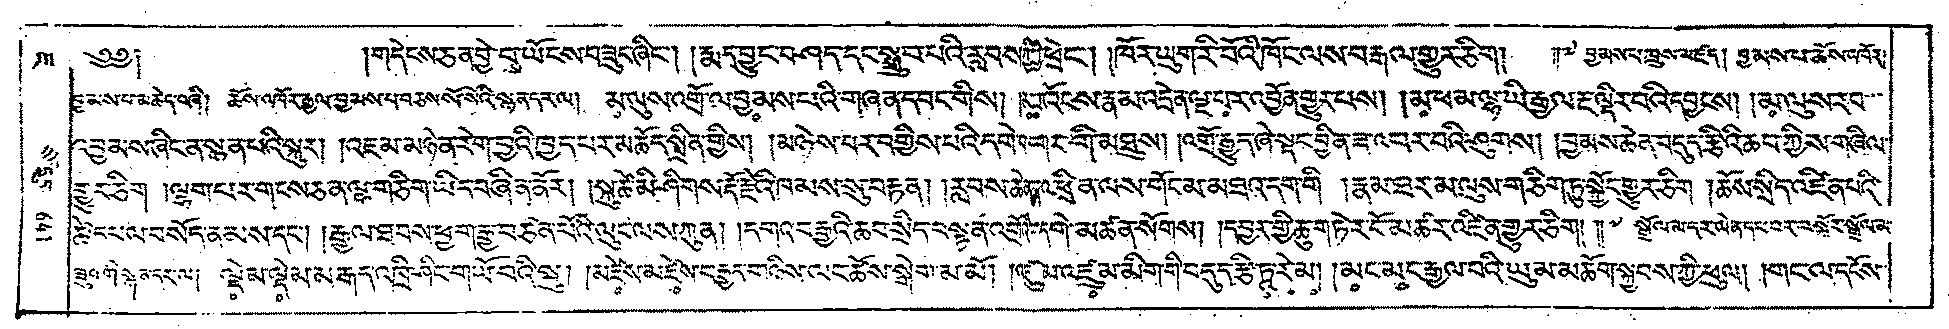༄༅། །གདེངས་ཅན་བྱེ་བས་ཡོངས་བཟུང་ཞིང་། །རྨད་བྱུང་བཤད་དང་སྒྲུབ་པའི་རླབས་ཀྱི་ཕྲེང་། །ཁོར་ཡུག་རི་བོའི་ཁོང་ལས་བརྒལ་གྱུར་ཅིག ། །། ༧བྱམས་པ་ཁྲུས་མཛད། བྱམས་པ་ཆོས་འཁོར།
བྱམས་པ་མཆེད་བཞི། ཆོས་འཁོར་རྒྱལ་བྱམས་པ་བཅས་སོ་སོའི་སྙན་དར་ལ། མ྾་ལུས་འགྲོ་ལ་བྱམས྾་པའི་གཞན་དབང་གིས། །མ྾་འོངས་རྣམ་འདྲེན་ལྔ་པར྾་འབྱོན་གྱུར་པས། །མ྾་ཕམ་ལྷ་ཡི་རྒྱལ་རྔ་ལྡིར་བའི་དབྱངས། །མ྾་ལུས་རབ་
འབྱམས་ཞིང་ན་སྙན་པའི་སྐུར། །འཇམ་མཉེན་རེག་བྱའི་ཁྱད་པར་མཆོད་སྤྲིན་གྱིས། །མཉེས་པར་བགྱིས་པའི་དགེ་བ་གང་གི་མཐུས། །འགྲོ་རྒྱུད་ཞེ་སྡང་བྱིན་ཟ་འབར་བའི་ཤུགས། །བྱམས་ཆེན་བདུད་རྩིའི་ཆབ་ཀྱིས་གཞིལ་
གྱུར་ཅིག །ལྷག་པར་གངས་ཅན་ལྷ་གཅིག་ཡིད་བཞིན་ནོར། །སྐུ་ཚེ་མི་ཤིགས་རྡོ་རྗེའི་ཁམས་སུ་བརྟན། །རླབས་ཆེན་འཕྲིན་ལས་གོང་མ་མཐའ་དག་གི །རྣམ་ཐར་མ་ལུས་གཅིག་ཏུ་སྐྱོང་གྱུར་ཅིག །ཆོས་སྲིད་འཛིན་པའི་
ཚེ་དཔལ་བསོད་ནམས་དང་། །རྒྱལ་ཐབས་ཕྱག་རྒྱ་བཙན་པོའི་ལུང་ལས་ཀུན། །དགའ་བརྒྱའི་ཆབ་སྲིད་བསྟན་འགྲོའི་དགེ་མཚན་སོགས། །དབྱར་གྱི་ཆུ་གཏེར་ངོ་མཚར་འཛིན་གྱུར་ཅིག ། །། ༧་སྒྲོལ་མ་དར་ལེན་དང་བར་བསྐོར་སྒྲོལ་མ་
ཟུང་གི་སྙན་དར་ལ། ལྡེམ྾་ལྡེམ྾་མར་རྒད་འཁྲི་ཤིང་གཡོ་བའི་སྐུ། །མཛེས྾་མཛེས྾་བརྒྱད་གཉིས་ལང་ཚོས་སྒེག་མ་མོ། །འཛུམ྾་འཛུམ྾་མིག་གི་བདུད་རྩི་ཏཱ྾་རེ྾་མ྾། །མང྾་མང྾་རྒྱལ་བའི་ཡུམ་མཆོག་སྐྱབས་ཀྱི་ཕུལ། །གང་ལ་དངོས་